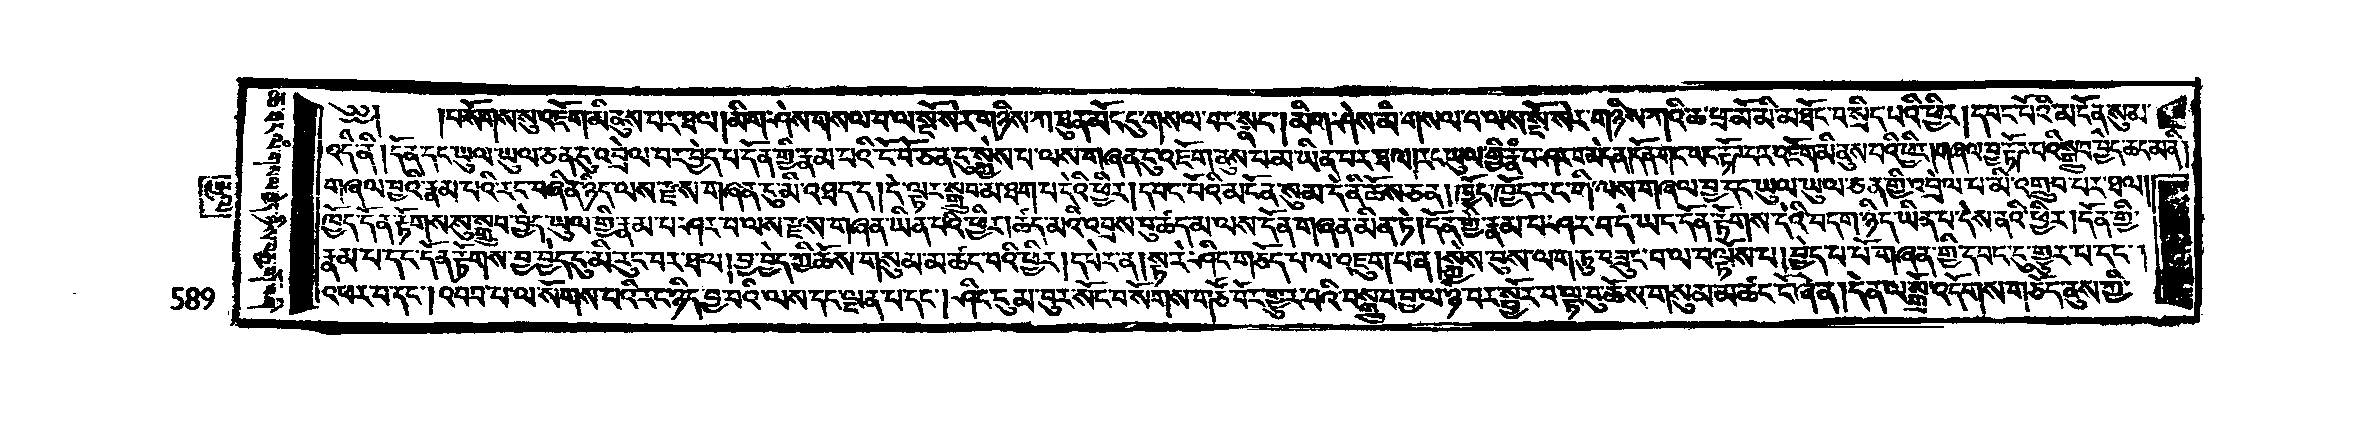༄༅། །པ་སོགས་སུ་འཇོག་མི་ནུས་པར་ཐལ། མིག་ཤེས་གསལ་བ་ལ་སྔོ་སེར་གཉིས་ཀ་ཐུན་མོང་དུ་གསལ་བར་སྣང་། མིག་ཤེས་མི་གསལ་བ་ལས་སྔོ་སེར་གཉིས་ཀའི་ཆ་ཕྲ་མོ་མི་མཐོང་བ་སྲིད་པའི་ཕྱིར། དབང་པོའི་མངོན་སུམ་
འདི་ནི། དོན་དང་ཡུལ་ཡུལ་ཅན་དུ་འབྲེལ་བར་བྱེད་པ་དོན་གྱི་རྣམ་པའི་ངོ་བོ་ཅན་དུ་སྐྱེས་པ་ལས་གཞན་དུ་འཇོག་ནུས་པ་མ་ཡིན་པར་ཐལ། རང་ཡུལ་གྱི་རྣཾ་པ་ཤར་བ་མེད་ན། དོན་གང་ཡང་རྟོཌ་?་པར་འཇོག་མི་ནུས་པའི་ཕྱིར། གཞལ་བྱ་རྟོཌ་?་པའི་སྒྲུབ་བྱེད་ཚད་མ་ནི།
གཞལ་བྱའི་རྣམ་པའི་རང་བཞིན་ཉིད་ལས་རྫས་གཞན་དུ་མི་འཐད་ད། དེ་ལྟར་སྒྲུབ་མ་ཐག་པ་དེའི་ཕྱིར། དབང་པོའི་མངོན་སུམ་དེ་ནི་ཆོས་ཅན། ཁྱོད་ཁྱོད་རང་གི་ལས་གཞལ་བྱ་དང་ཡུལ་ཡུལ་ཅན་གྱི་འབྲེལ་པ་མི་འགྲུབ་པར་ཐལ།
ཁྱོད་དོན་རྟོགས་སུ་སྒྲུབ་བྱེད་ཡུལ་གྱི་རྣམ་པ་ཤར་བ་ལས་རྫས་གཞན་ཡིན་པའི་ཕྱིར། ཚད་མའི་འབྲས་བུ་ཚད་མ་ལས་དོན་གཞན་མིན་ཏེ། དོན་གྱི་རྣམ་པ་ཤར་བ་དེ་ཡང་དོན་རྟོགས་དེའི་བདག་ཉིད་ཡིན་པ་དེས་ནའི་ཕྱིར། དོན་གྱི་
རྣམ་པ་དང་དོན་རྟོགས་བྱ་བྱེད་དུ་མི་རུང་བར་ཐལ། བྱ་བྱེད་ཀྱི་ཆོས་གསུམ་མ་ཚང་བའི་ཕྱིར། དཔེར་ན། སྟ་རེ་ཤིང་གཅོད་པ་ལ་འཇུག་པ་ན། སྐྱེས་བུས་ལག་ཏུ་བཟུང་བ་ལ་བལྟོས་པ། བྱེད་པ་པོ་གཞན་གྱི་དབང་དུ་གྱུར་པ་དང་།
འཕར་བ་དང་། འབབ་པ་ལ་སོགས་པའི་རང་ཉིད་བྱ་བའི་ལས་དང་ལྡན་པ་དང་། ཤིང་དུ་མ་བུར་སོང་བ་སོགས་གཙོ་བོར་གྱུར་བའི་བསྒྲུབ་བྱ་ལ་ཉེ་བར་སྦྱོར་བ་ལྟ་བུ་ཆོས་གསུམ་མ་ཚང་ངེ་ཞེ་ན། དོན་ལ་སྒྲོ་འདོགས་གཅོད་ནུས་ཀྱི་